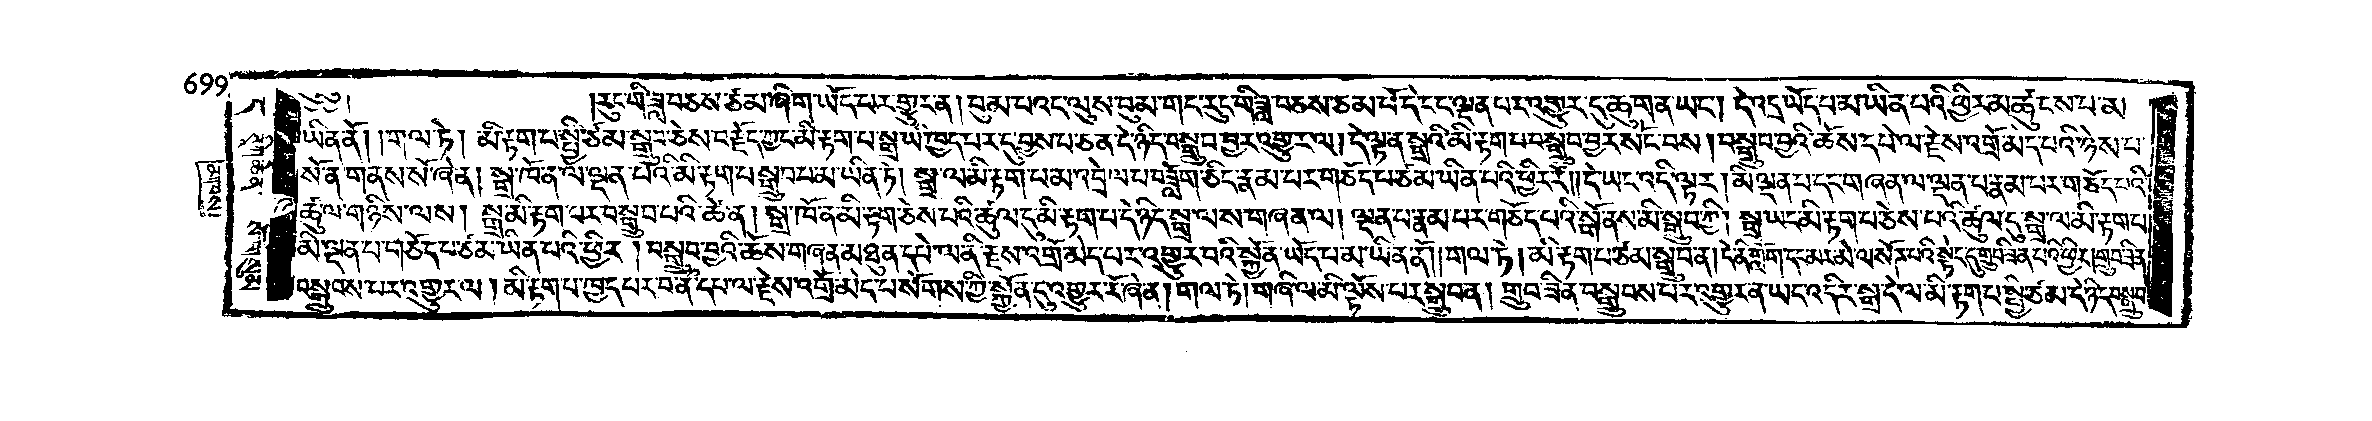༄༅། །རུང་གི་ཟླ་བཅས་ཙམ་ཞིག་ཡོད་པར་གྱུར་ན། བུམ་པའང་ལུས་བུམ་གང་རུང་གི་ཟླ་བཅས་ཙམ་པོ་དེ་དང་ལྡན་པར་འགྱུར་དུ་ཆུག་ན་ཡང་། དེ་འདྲ་ཡོད་པ་མ་ཡིན་པའི་ཕྱིར་མཚུངས་པ་མ་
ཡིན་ནོ། །གལ་ཏེ། མི་རྟག་པ་སྤྱི་ཙམ་སྒྲུབ་ཅེས་བརྗོད་ཀྱང་མི་རྟག་པ་སྒྲ་ཡི་ཁྱད་པར་དུ་བྱས་པ་ཅན་དེ་ཉིད་བསྒྲུབ་བྱར་འགྱུར་ལ། དེ་ལྟ་ན་སྒྲའི་མི་རྟག་པ་བསྒྲུབ་བྱར་སོང་བས། བསྒྲུབ་བྱའི་ཆོས་དཔེ་ལ་རྗེས་འགྲོ་མེད་པའི་ཉེས་པ་
སོ་ན་གནས་སོ་ཞེ་ན། སྒྲ་ཁོ་ན་ལ་ལྡན་པའི་མི་རྟག་པ་སྒྲུབ་པ་མ་ཡིན་ཏེ། སྒྲ་ལ་མི་རྟག་པ་མ་འབྲེལ་བ་བཟློག་ཅིང་རྣམ་པར་གཅོད་པ་ཙམ་ཡིན་པའི་ཕྱིར་རོ། །དེ་ཡང་འདི་ལྟར། མི་ལྡན་པ་དང་གཞན་ལ་ལྡན་པ་རྣམ་པར་གཅོད་པའི་
ཚུལ་གཉིས་ལས། སྒྲ་མི་རྟག་པར་བསྒྲུབ་པའི་ཚེ་ན། སྒྲ་ཁོ་ན་མི་རྟག་ཅེས་པའི་ཚུལ་དུ་མི་རྟག་པ་དེ་ཉིད་སྒྲ་ལས་གཞན་ལ། ལྡན་པ་རྣམ་པར་གཅོད་པའི་སྒོ་ནས་མི་སྒྲུབ་ཀྱི། སྒྲ་ཡང་མི་རྟག་པ་ཅེས་པའི་ཚུལ་དུ་སྒྲ་ལ་མི་རྟག་པ་
མི་ལྡན་པ་གཅོད་པ་ཙམ་ཡིན་པའི་ཕྱིར། བསྒྲུབ་བྱའི་ཆོས་གཞན་མཐུན་དཔེ་ལ་ནི་རྗེས་འགྲོ་མེད་པར་འགྱུར་བའི་སྐྱོན་ཡོད་པ་མ་ཡིན་ནོ། །གལ་ཏེ། མི་རྟག་པ་ཙམ་སྒྲུབ་ན། དེ་ནི་གློག་དང་མར་མེ་ལ་སོགས་པའི་སྟེང་དུ་གྲུབ་ཟིན་པའི་ཕྱིར། གྲུབ་ཟིན་
བསྒྲུབས་པར་འགྱུར་ལ། མི་རྟག་པ་ཁྱད་པར་བ་ནི་དཔེ་ལ་རྗེ་འགྲོ་མེད་པ་སོགས་ཀྱི་སྐྱོན་དུ་འགྱུར་རོ་ཞེ་ན། གལ་ཏེ། གཞི་ལ་མི་ལྟོས་པར་སྒྲུབ་ན། གྲུབ་ཟིན་བསྒྲུབས་པར་འགྱུར་ན་ཡང་འདིར་སྒྲ་དེ་ལ་མི་རྟག་པ་སྤྱི་ཙམ་དེ་ཉིད་བསྒྲུབ་